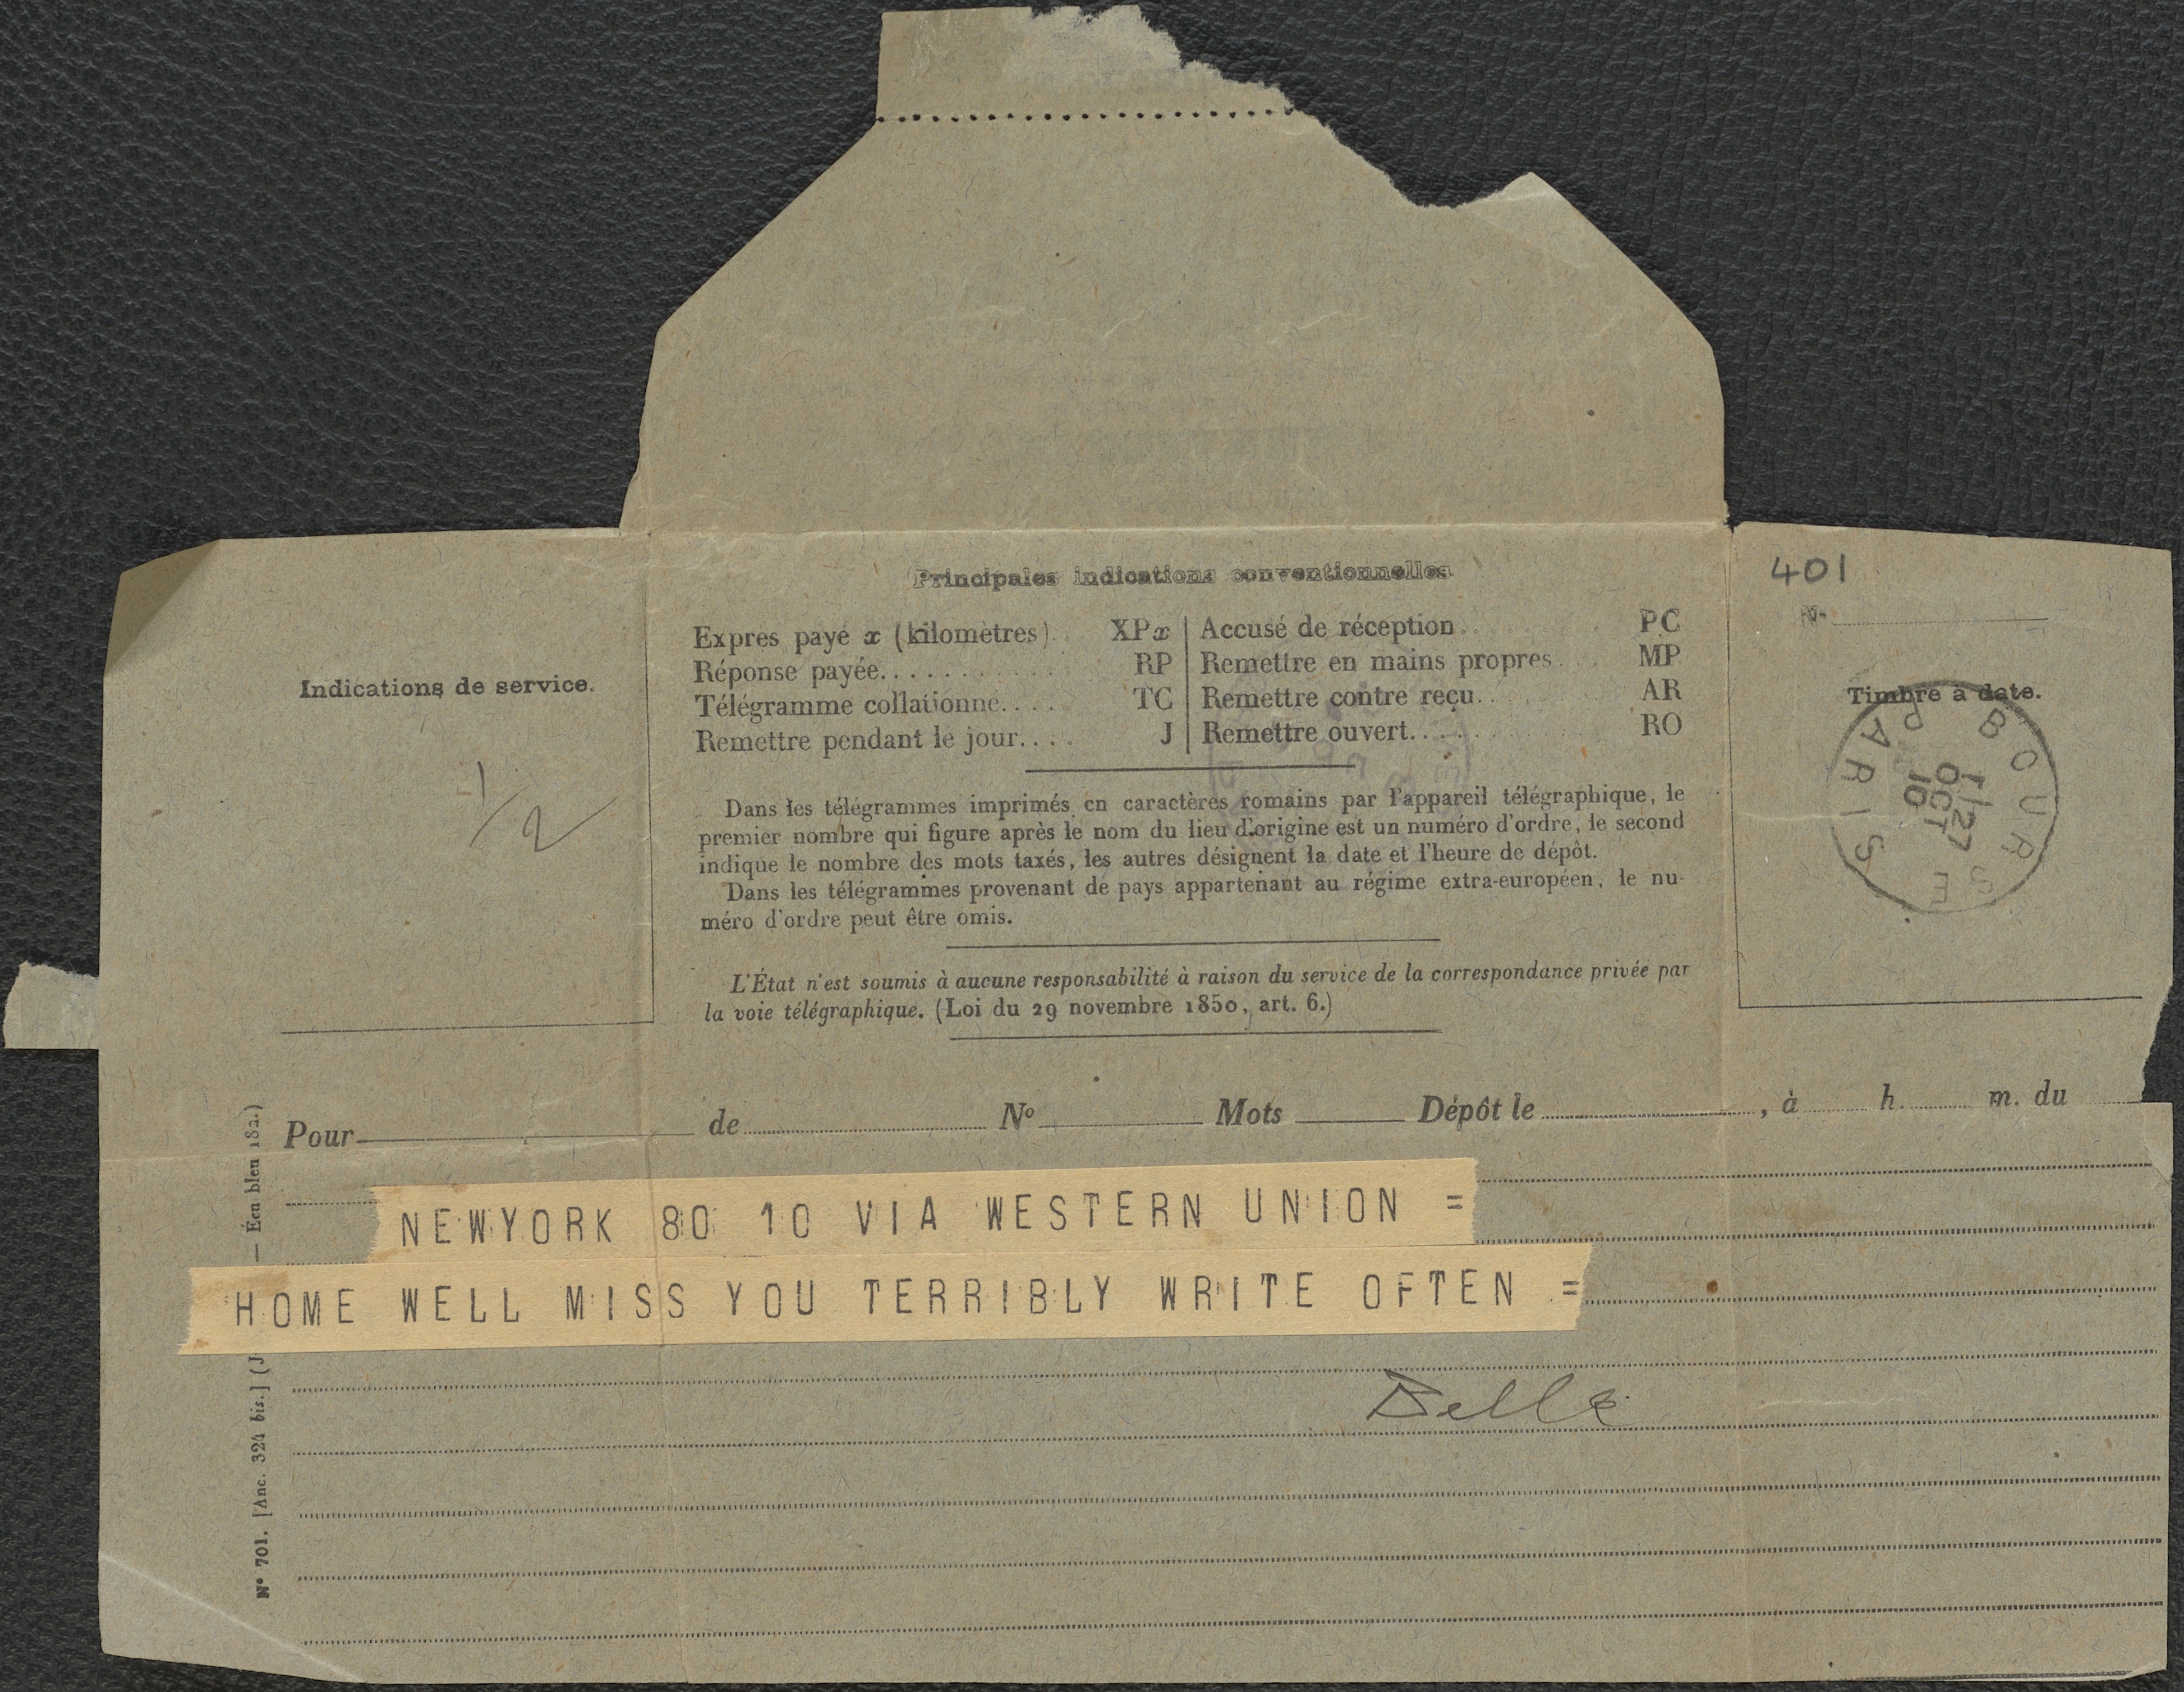NEWYORK 80 10 VIA WESTERN UNION =
HOME WELL MISS YOU TERRIBLY WRITE OFTEN =
[in Bernard Berenson’s hand: Belle]